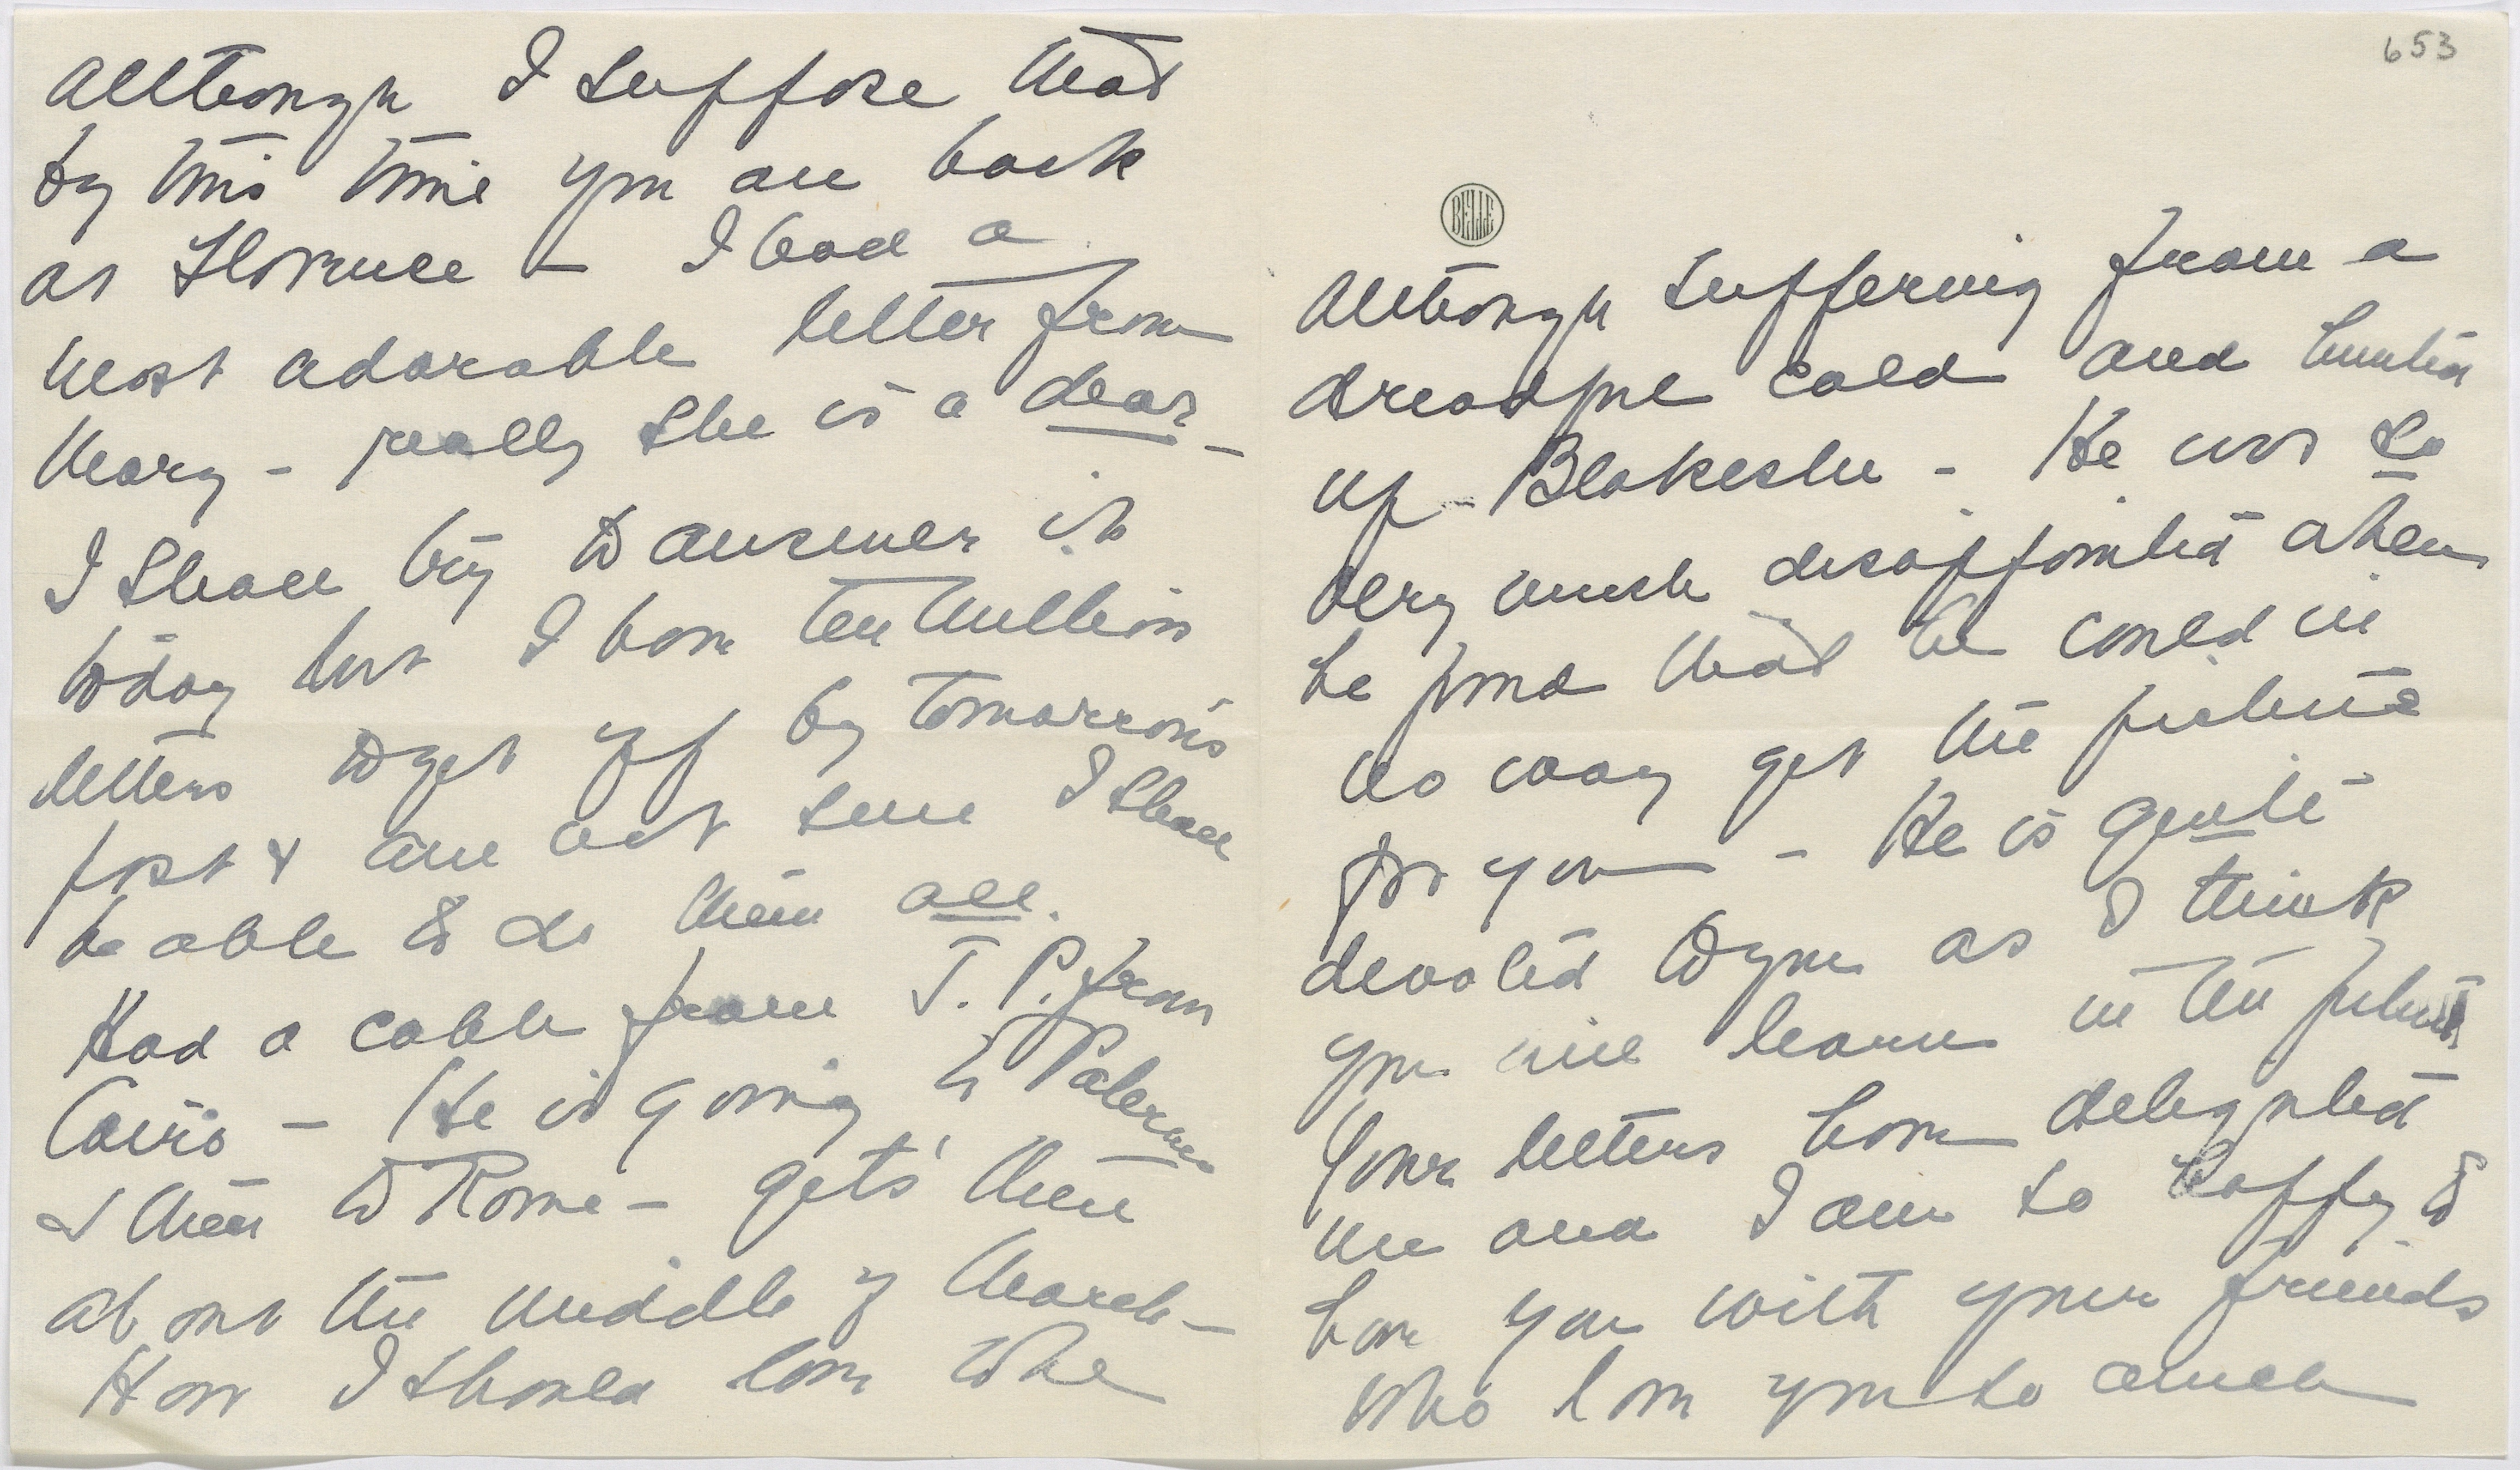although suffering from a dreadful cold and hunted up Blakeslee – He was so very much disappointed when he found that he could in no way get the picture for you – He is quite devoted to you as I think you will learn in the future Your letters have delighted me and I am so happy to have you with your friends who love you so much
although I suppose that by this time you are back at Florence – I had a most adorable letter from Mary – really she is a dear – I shall try to answer it today but I have ten million letters to get off by tomorrow’s post & am not sure I shall be able to do them all.
had a cable from J. P. from Cairo – He is going to Palermo & then to Rome – get’s [sic] there about the middle of March –
How I should love to be